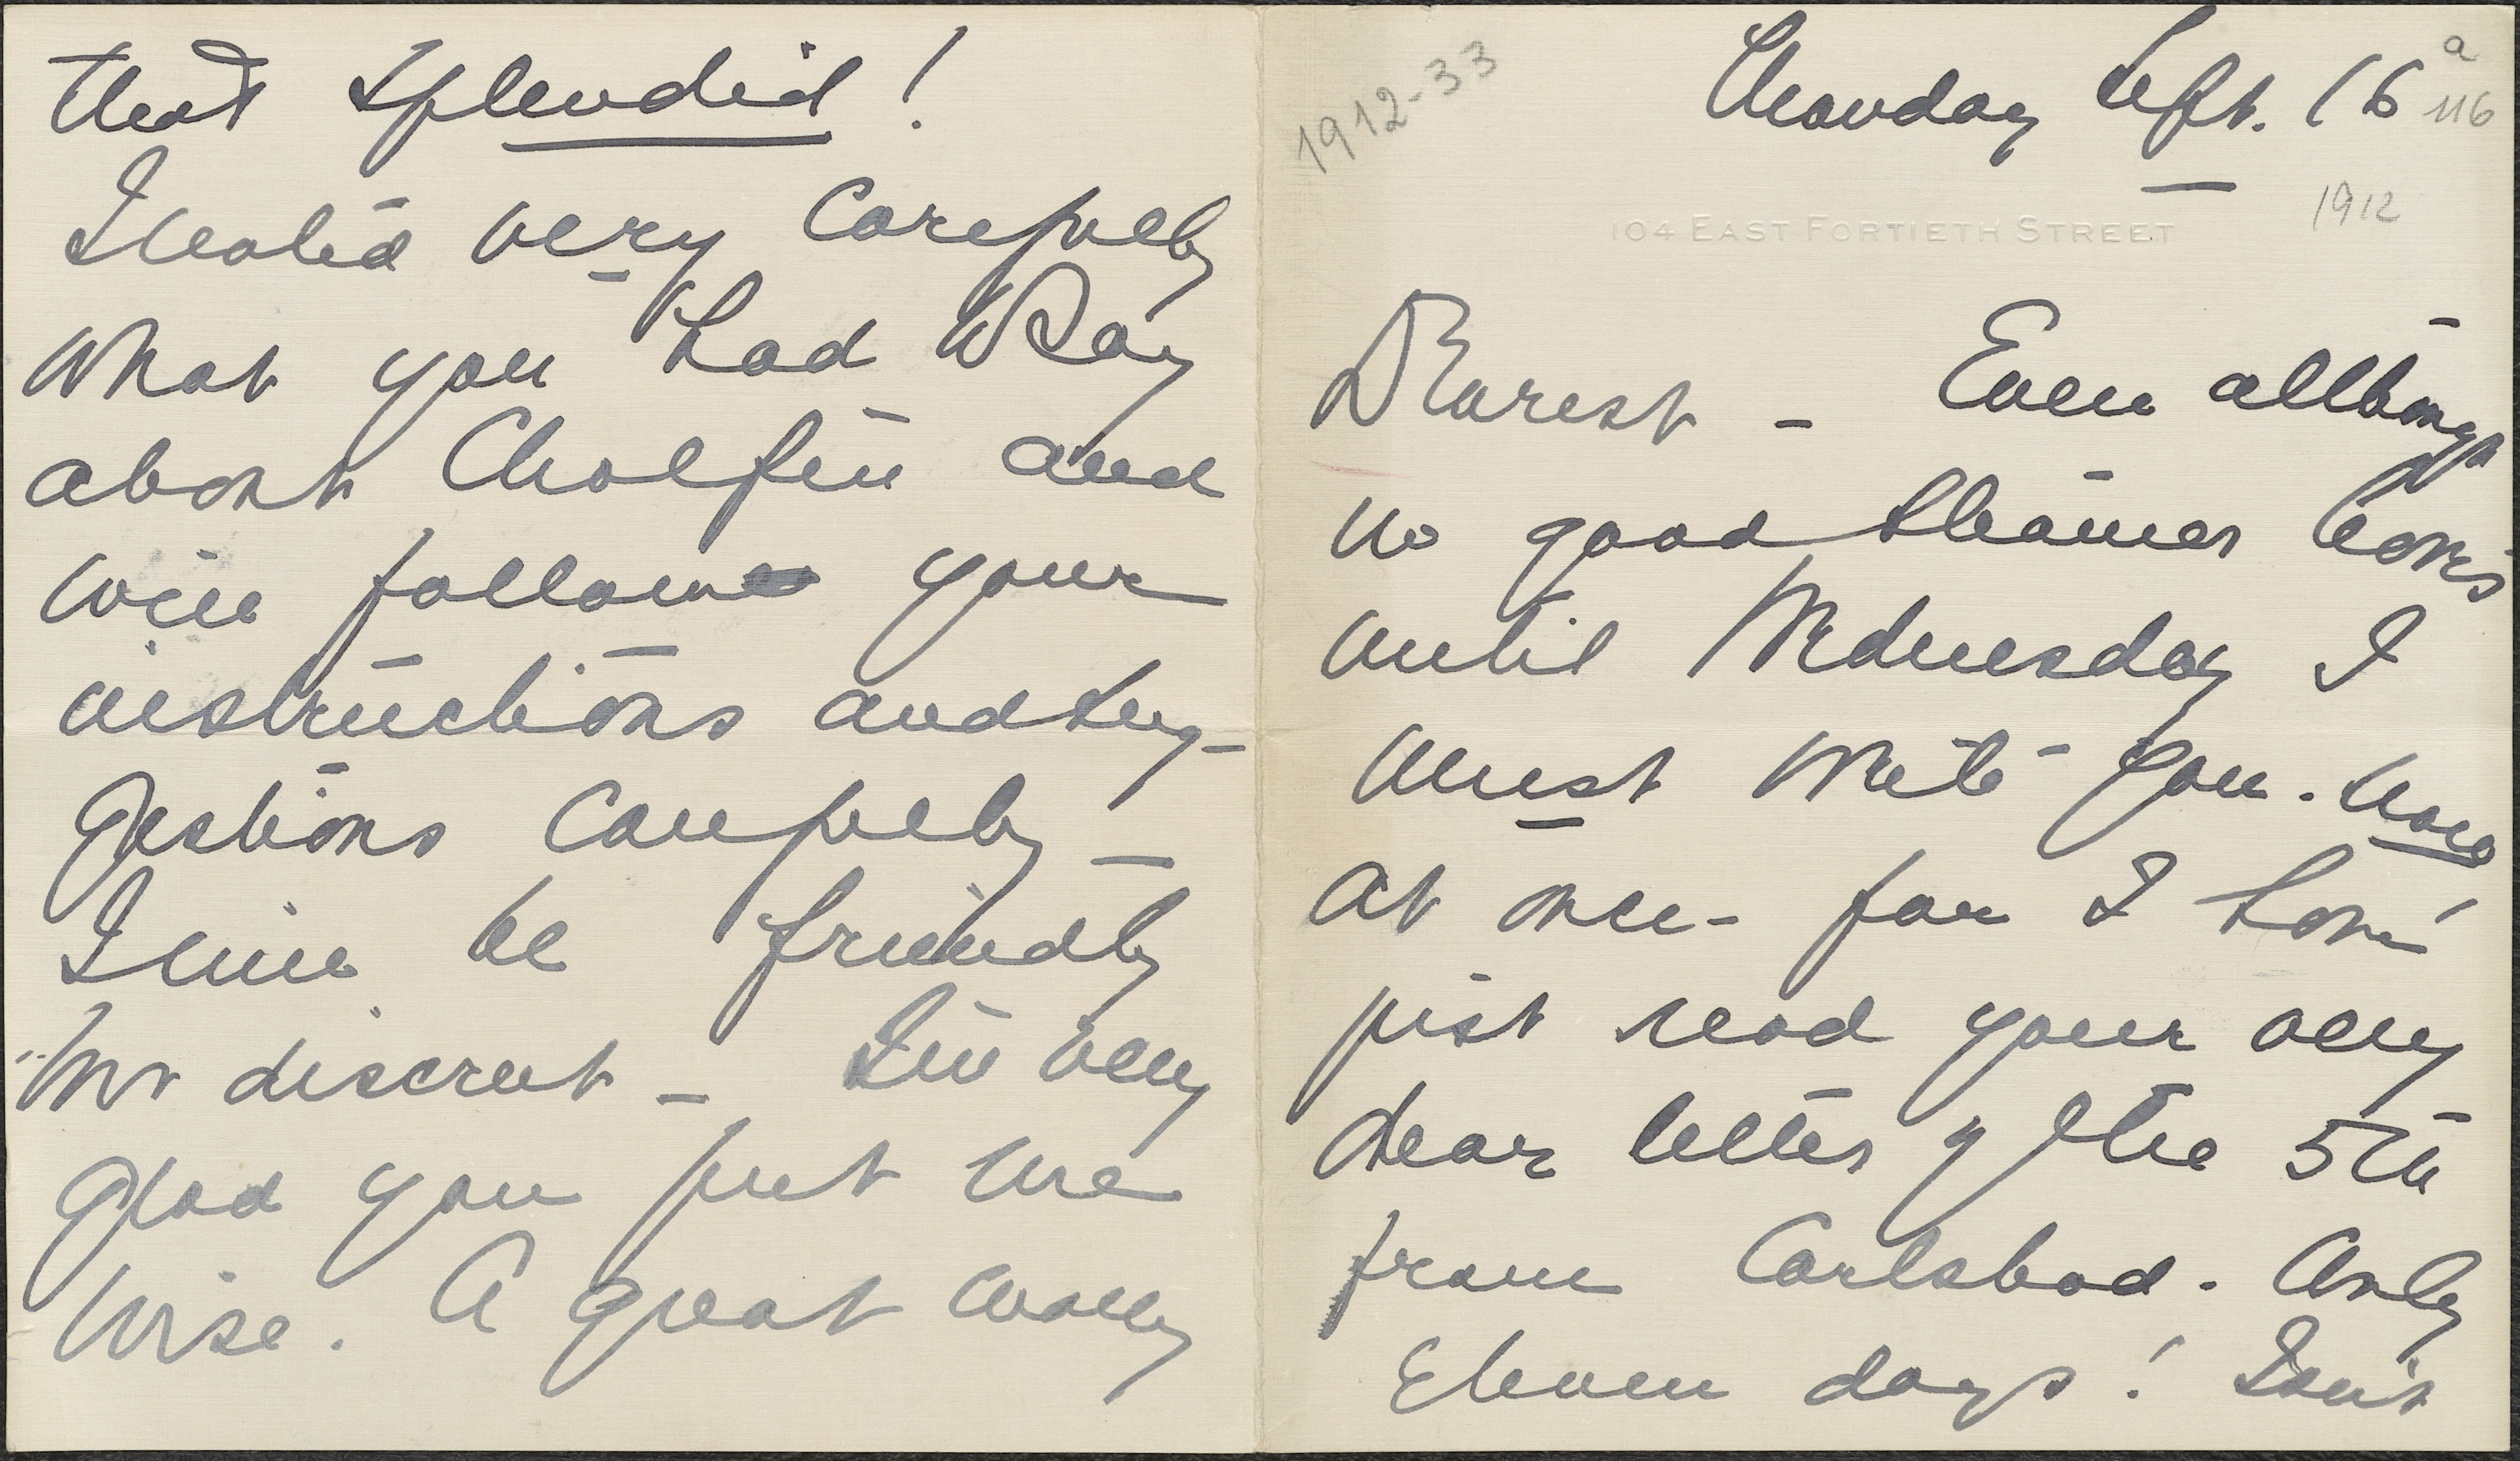Monday, Sept. 16
Dearest – Even although no good steamer leaves until Wednesday I must write you. Now at once – for I have just read your very dear letter of the 5th from Carlsbad – only eleven days! Isn’t
that splendid!
I noted very carefully what you had to say about Chalfin and will followe your instructions and suggestions carefully – I will be friendly but discreet – I’m very glad you put me wise. A great many